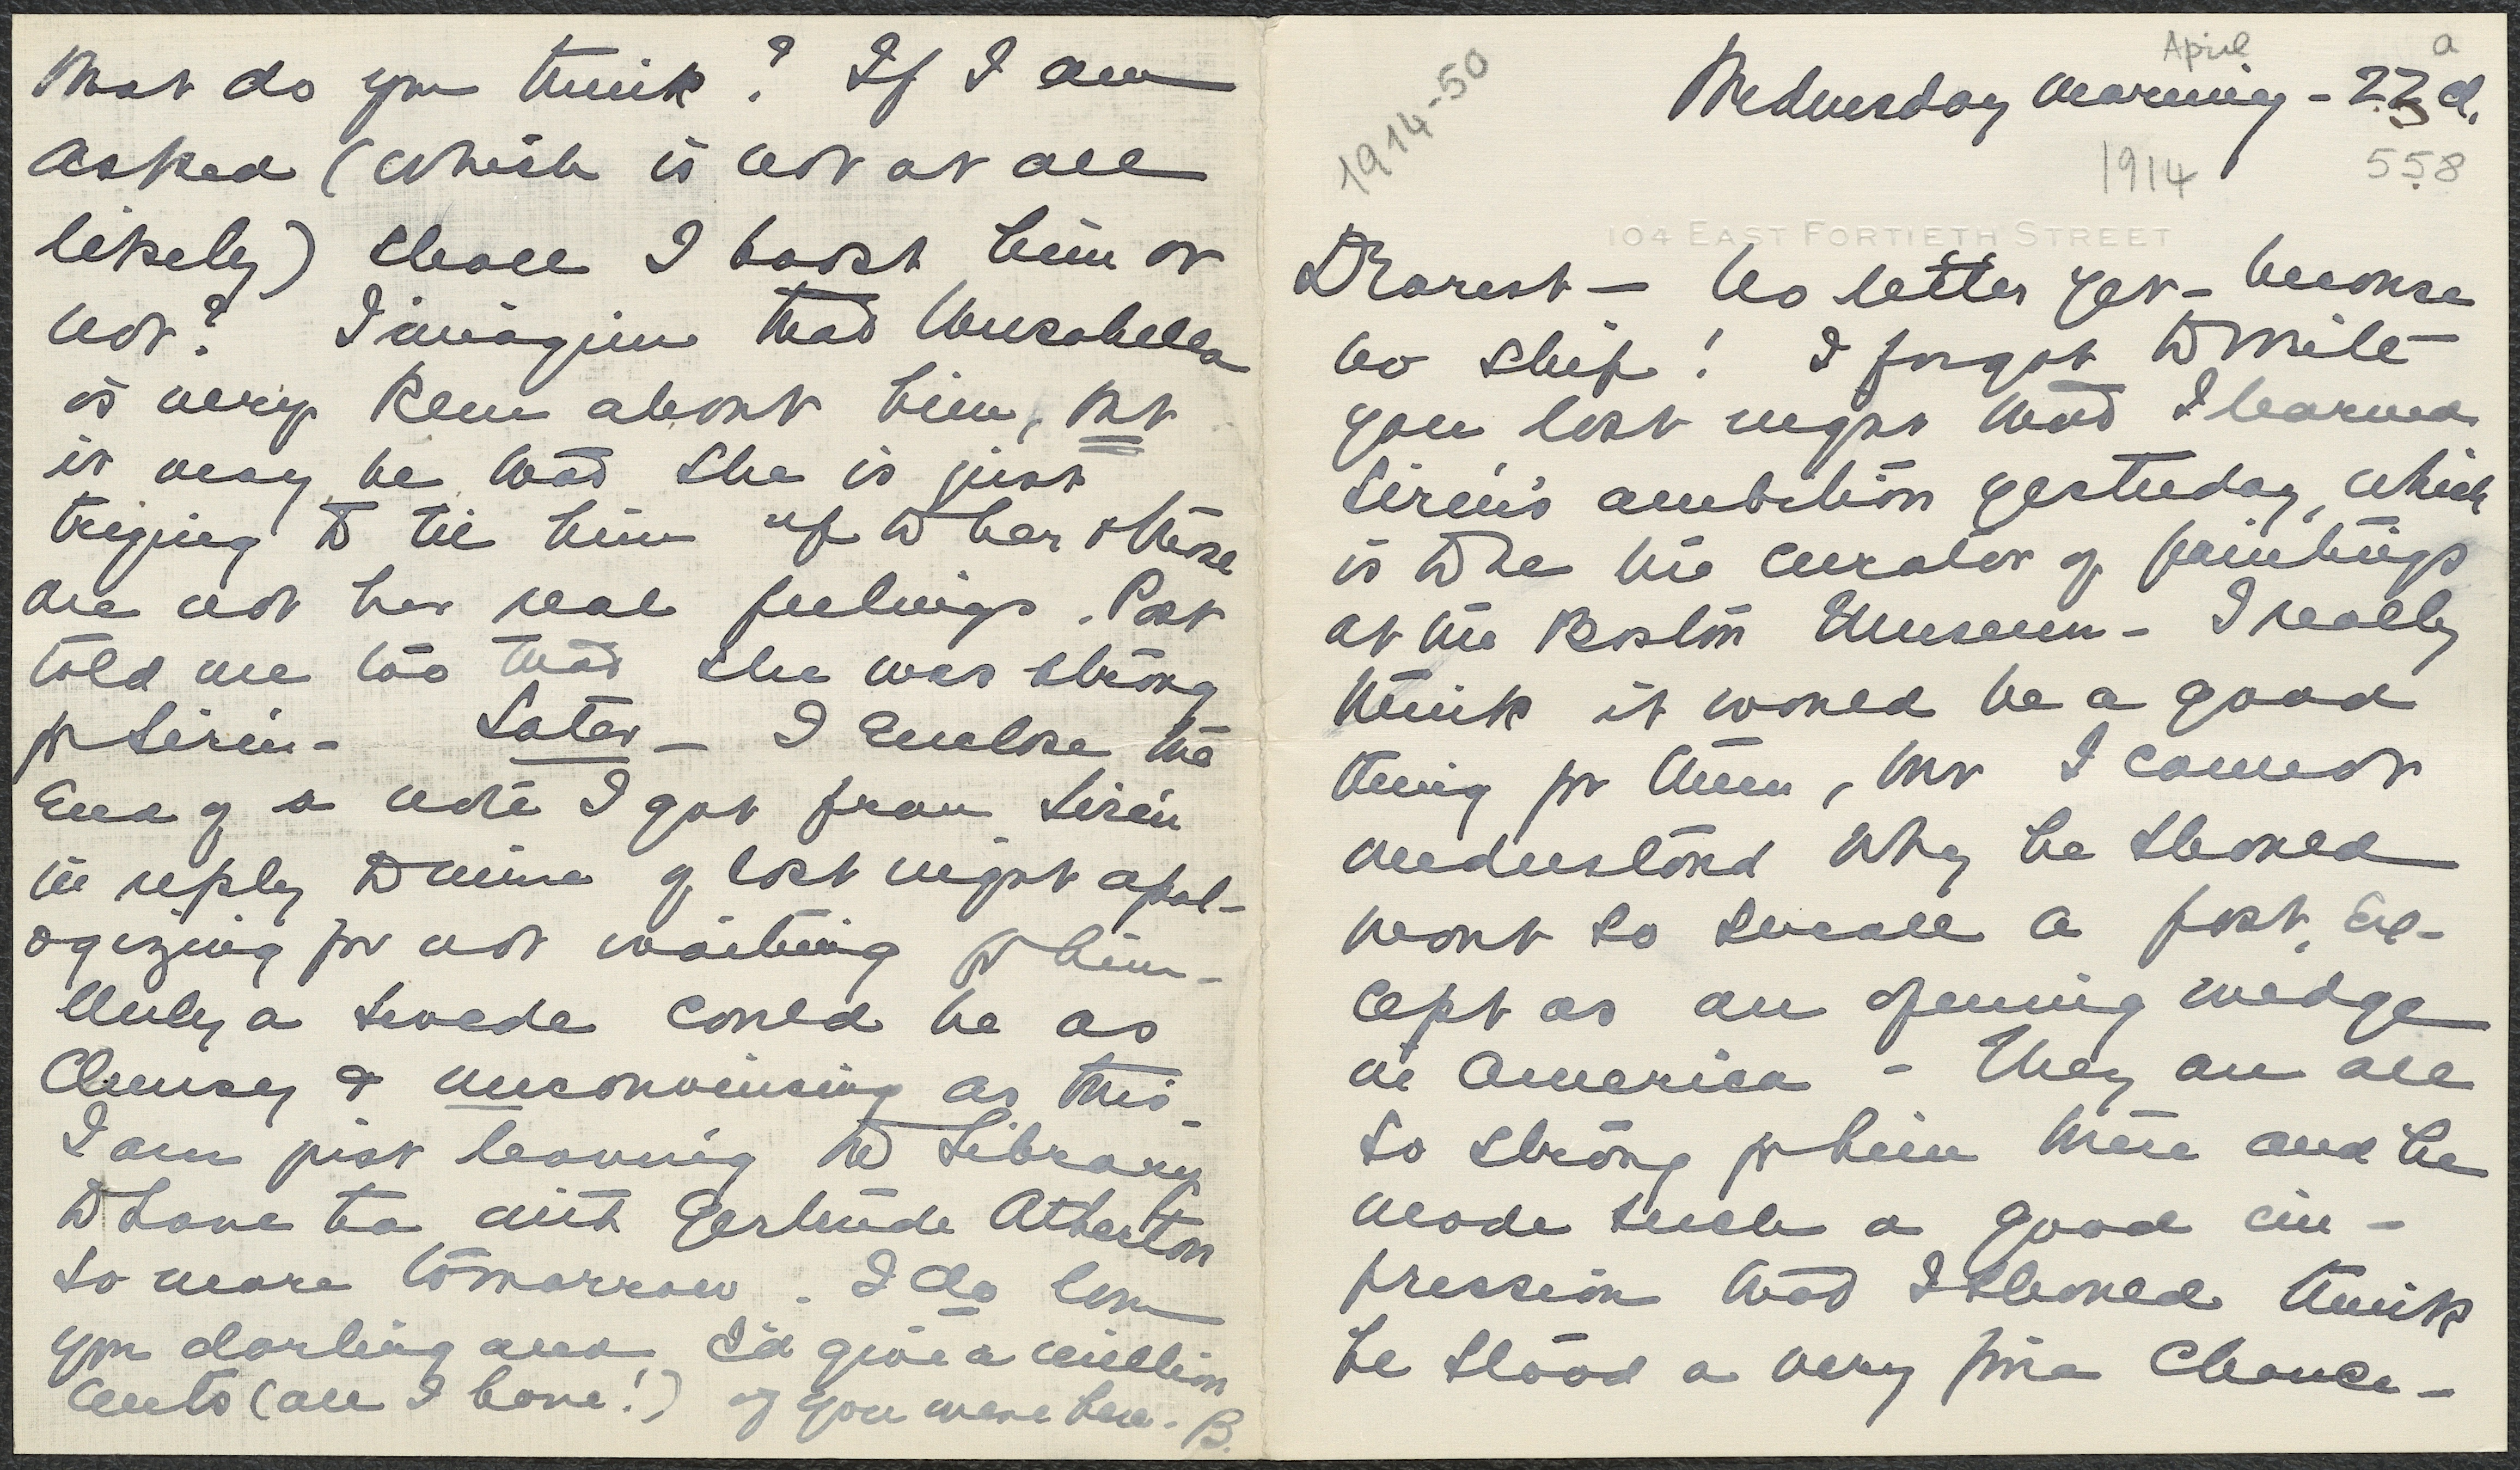Wednesday morning – 223d.
Dearest – No letter yet – because no ship! I forgot to write you last night that I learned Sirén’s ambition yesterday, which is to be the curator of paintings at the Boston Museum – I really think it would be a good thing for them, but I cannot understand why he should want so small a post, except as an opening wedge in America – They are all so strong for him there and he made such a good impression that I should think he stood a very fine chance –
What do you think? If I am asked (which is not at all likely) shall I boost him or not? I imagine that Wusabella is very keen about him, [double underlined: but] it may be that she is just trying to tie him up to her & those are not her real feelings – Post told me too that she was strong for Sirén – Later – I enclose the end of a note I got from Sirén in reply to mine of last night apologizing for not waiting for him – Only a Swede could be as clumsy & unconvincing as this – I am just leaving the Library to have tea with Gertrude Atherton so more tomorrow – I do love you darling and I’d give a million cents (all I have!) if you were here – B.